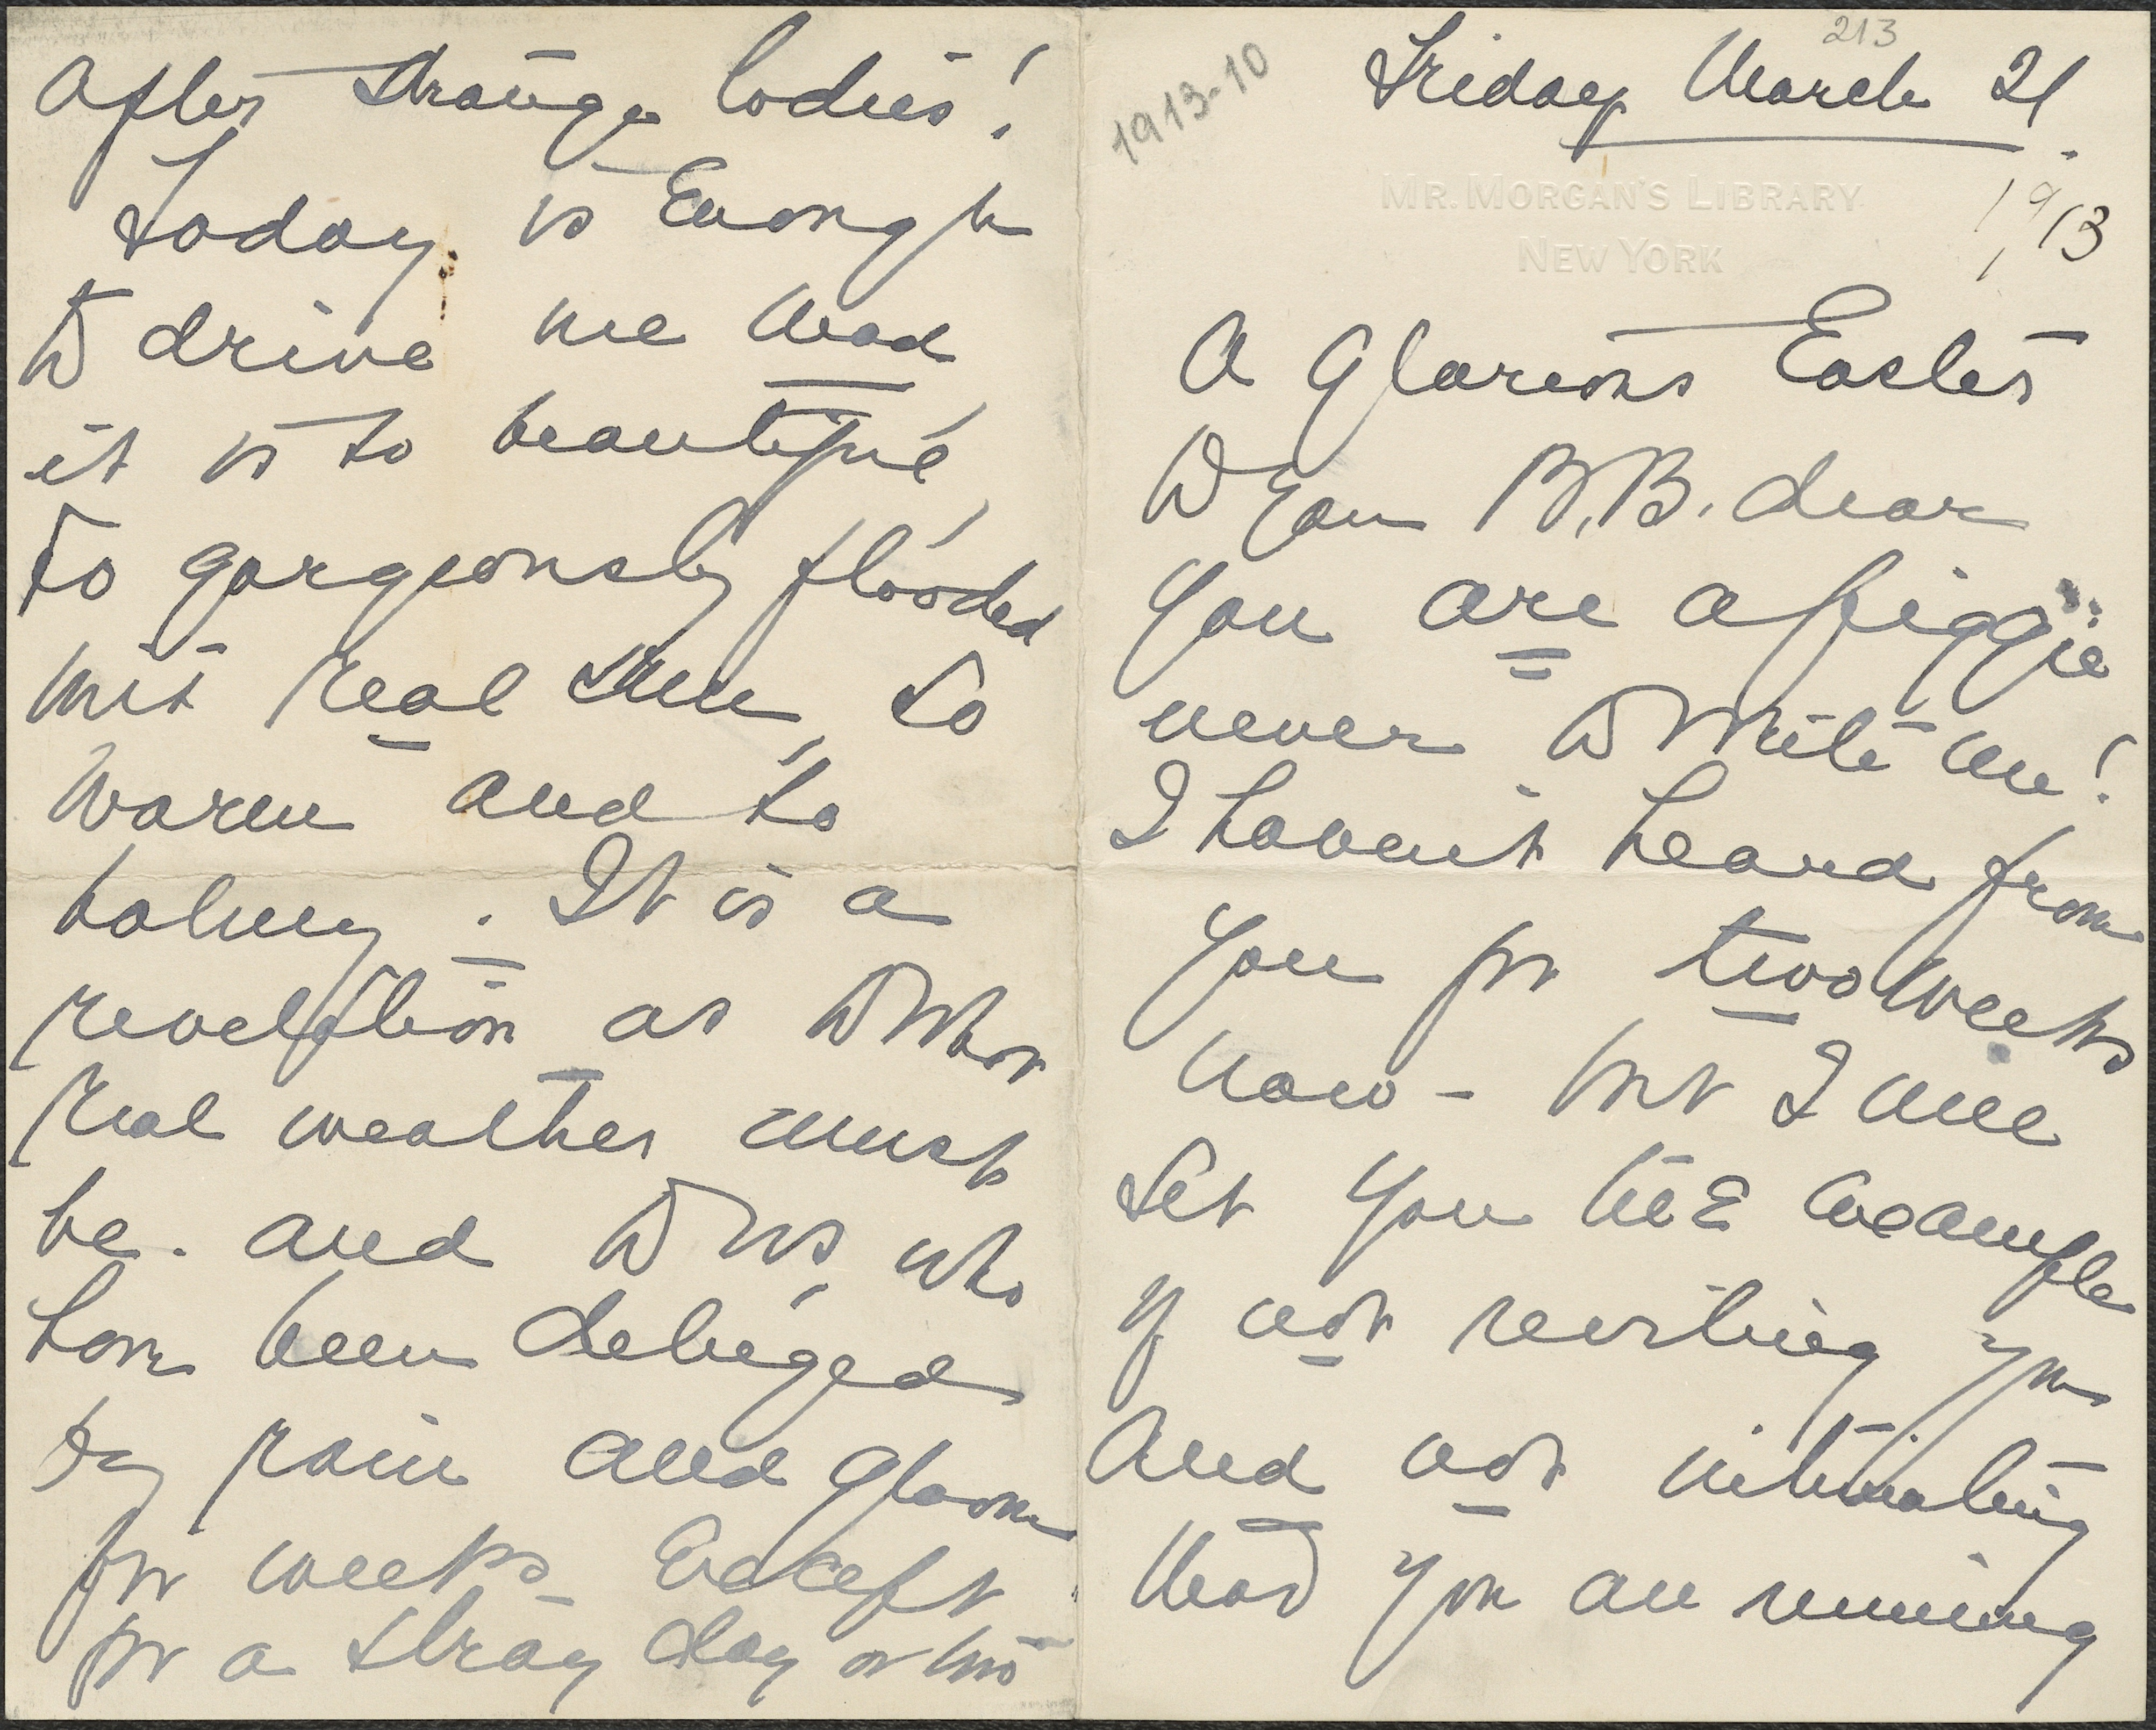Friday, March 21, 1913
A Glorious Easter to you B. B. dear you [double underlined: are] a piggie never to write me! I haven’t heard from you for two weeks now – but I will set you the example of not writing you and not intimating that you are running
after strange ladies! Today is enough to drive me mad it is so beautiful, so gorgeously flooded with real sun, so warm and so balmy. It is a revelation as to what real weather must be. and to us, who have been deluged by rain and gloom for weeks except for a stray day or two